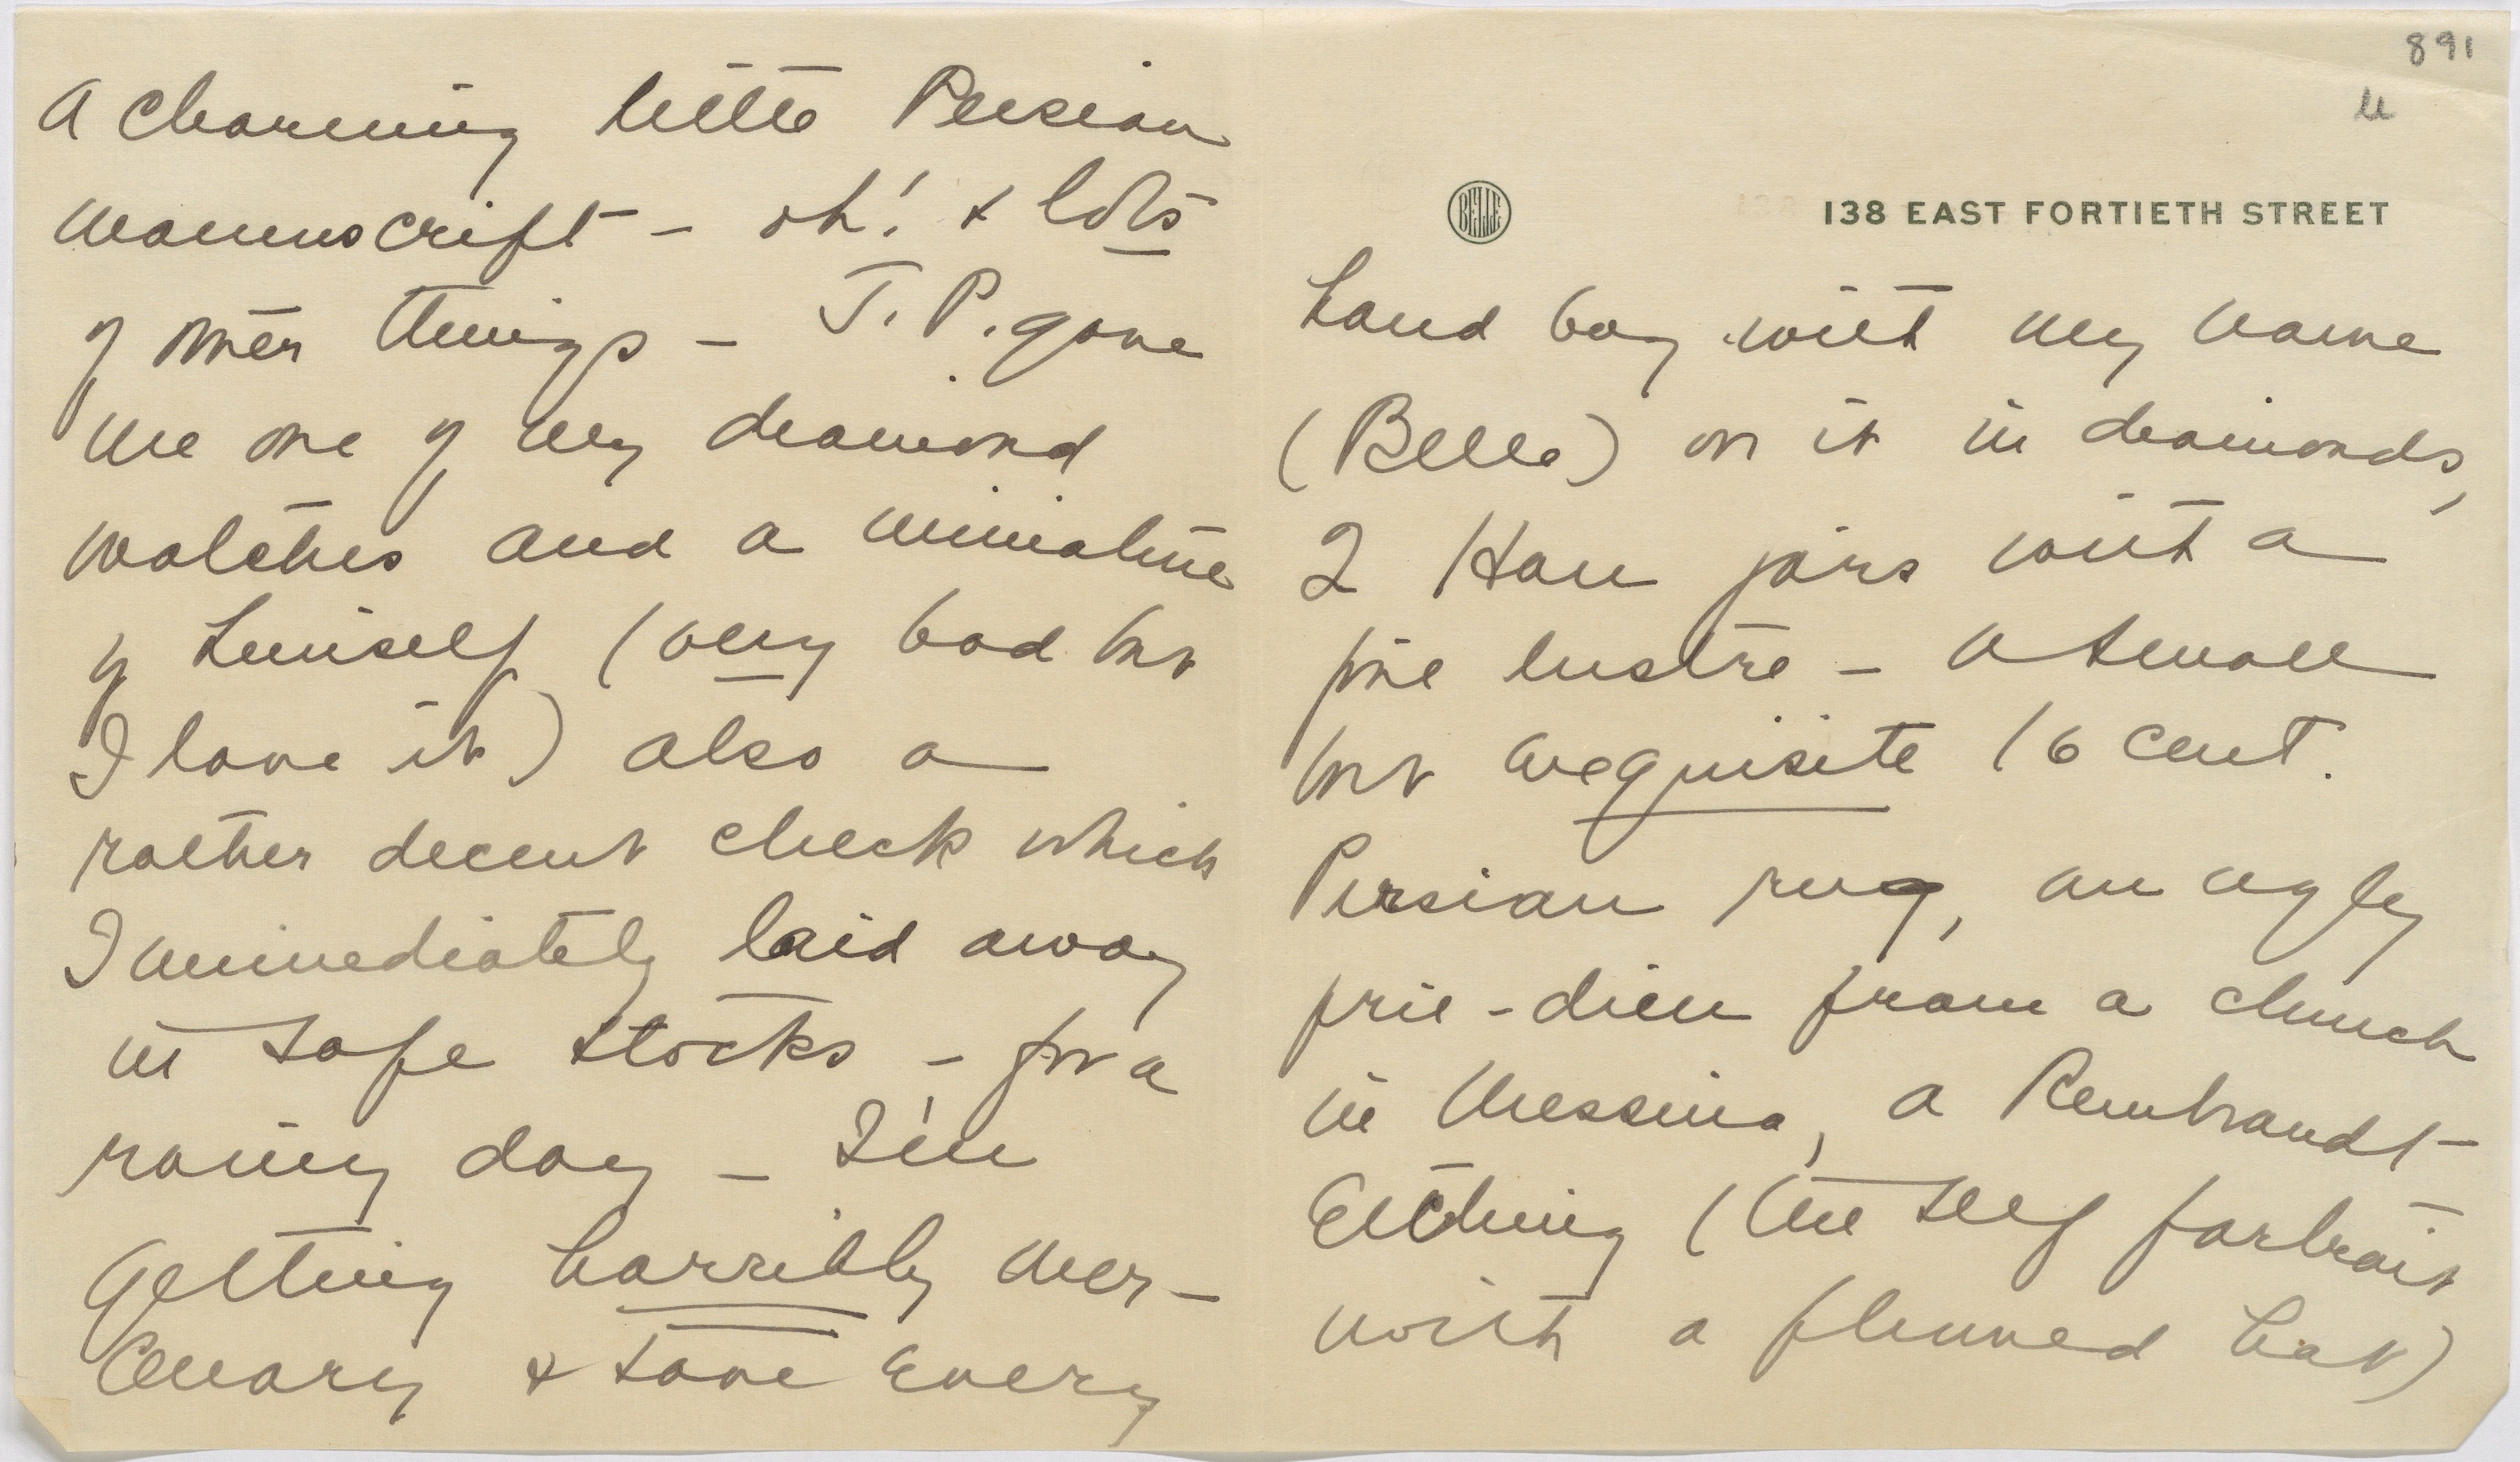hand bag with my name (Belle) on it in diamonds, 2 Han jars with a fine lustre – a small but exquisite 16 cent. Persian rug, an ugly prie-dieu from a church in Messina, a Rembrandt etching (the self portrait with a plumed hat)
a charming little Persian manuscript – oh! & lots of other things – J. P. gave me one of my diamond watches and a miniature of himself (very bad but I love it) also a rather decent check which I immediately laid way in safe stocks – for a rainy day – I’m getting [double underlined: horribly] mercenary & save every